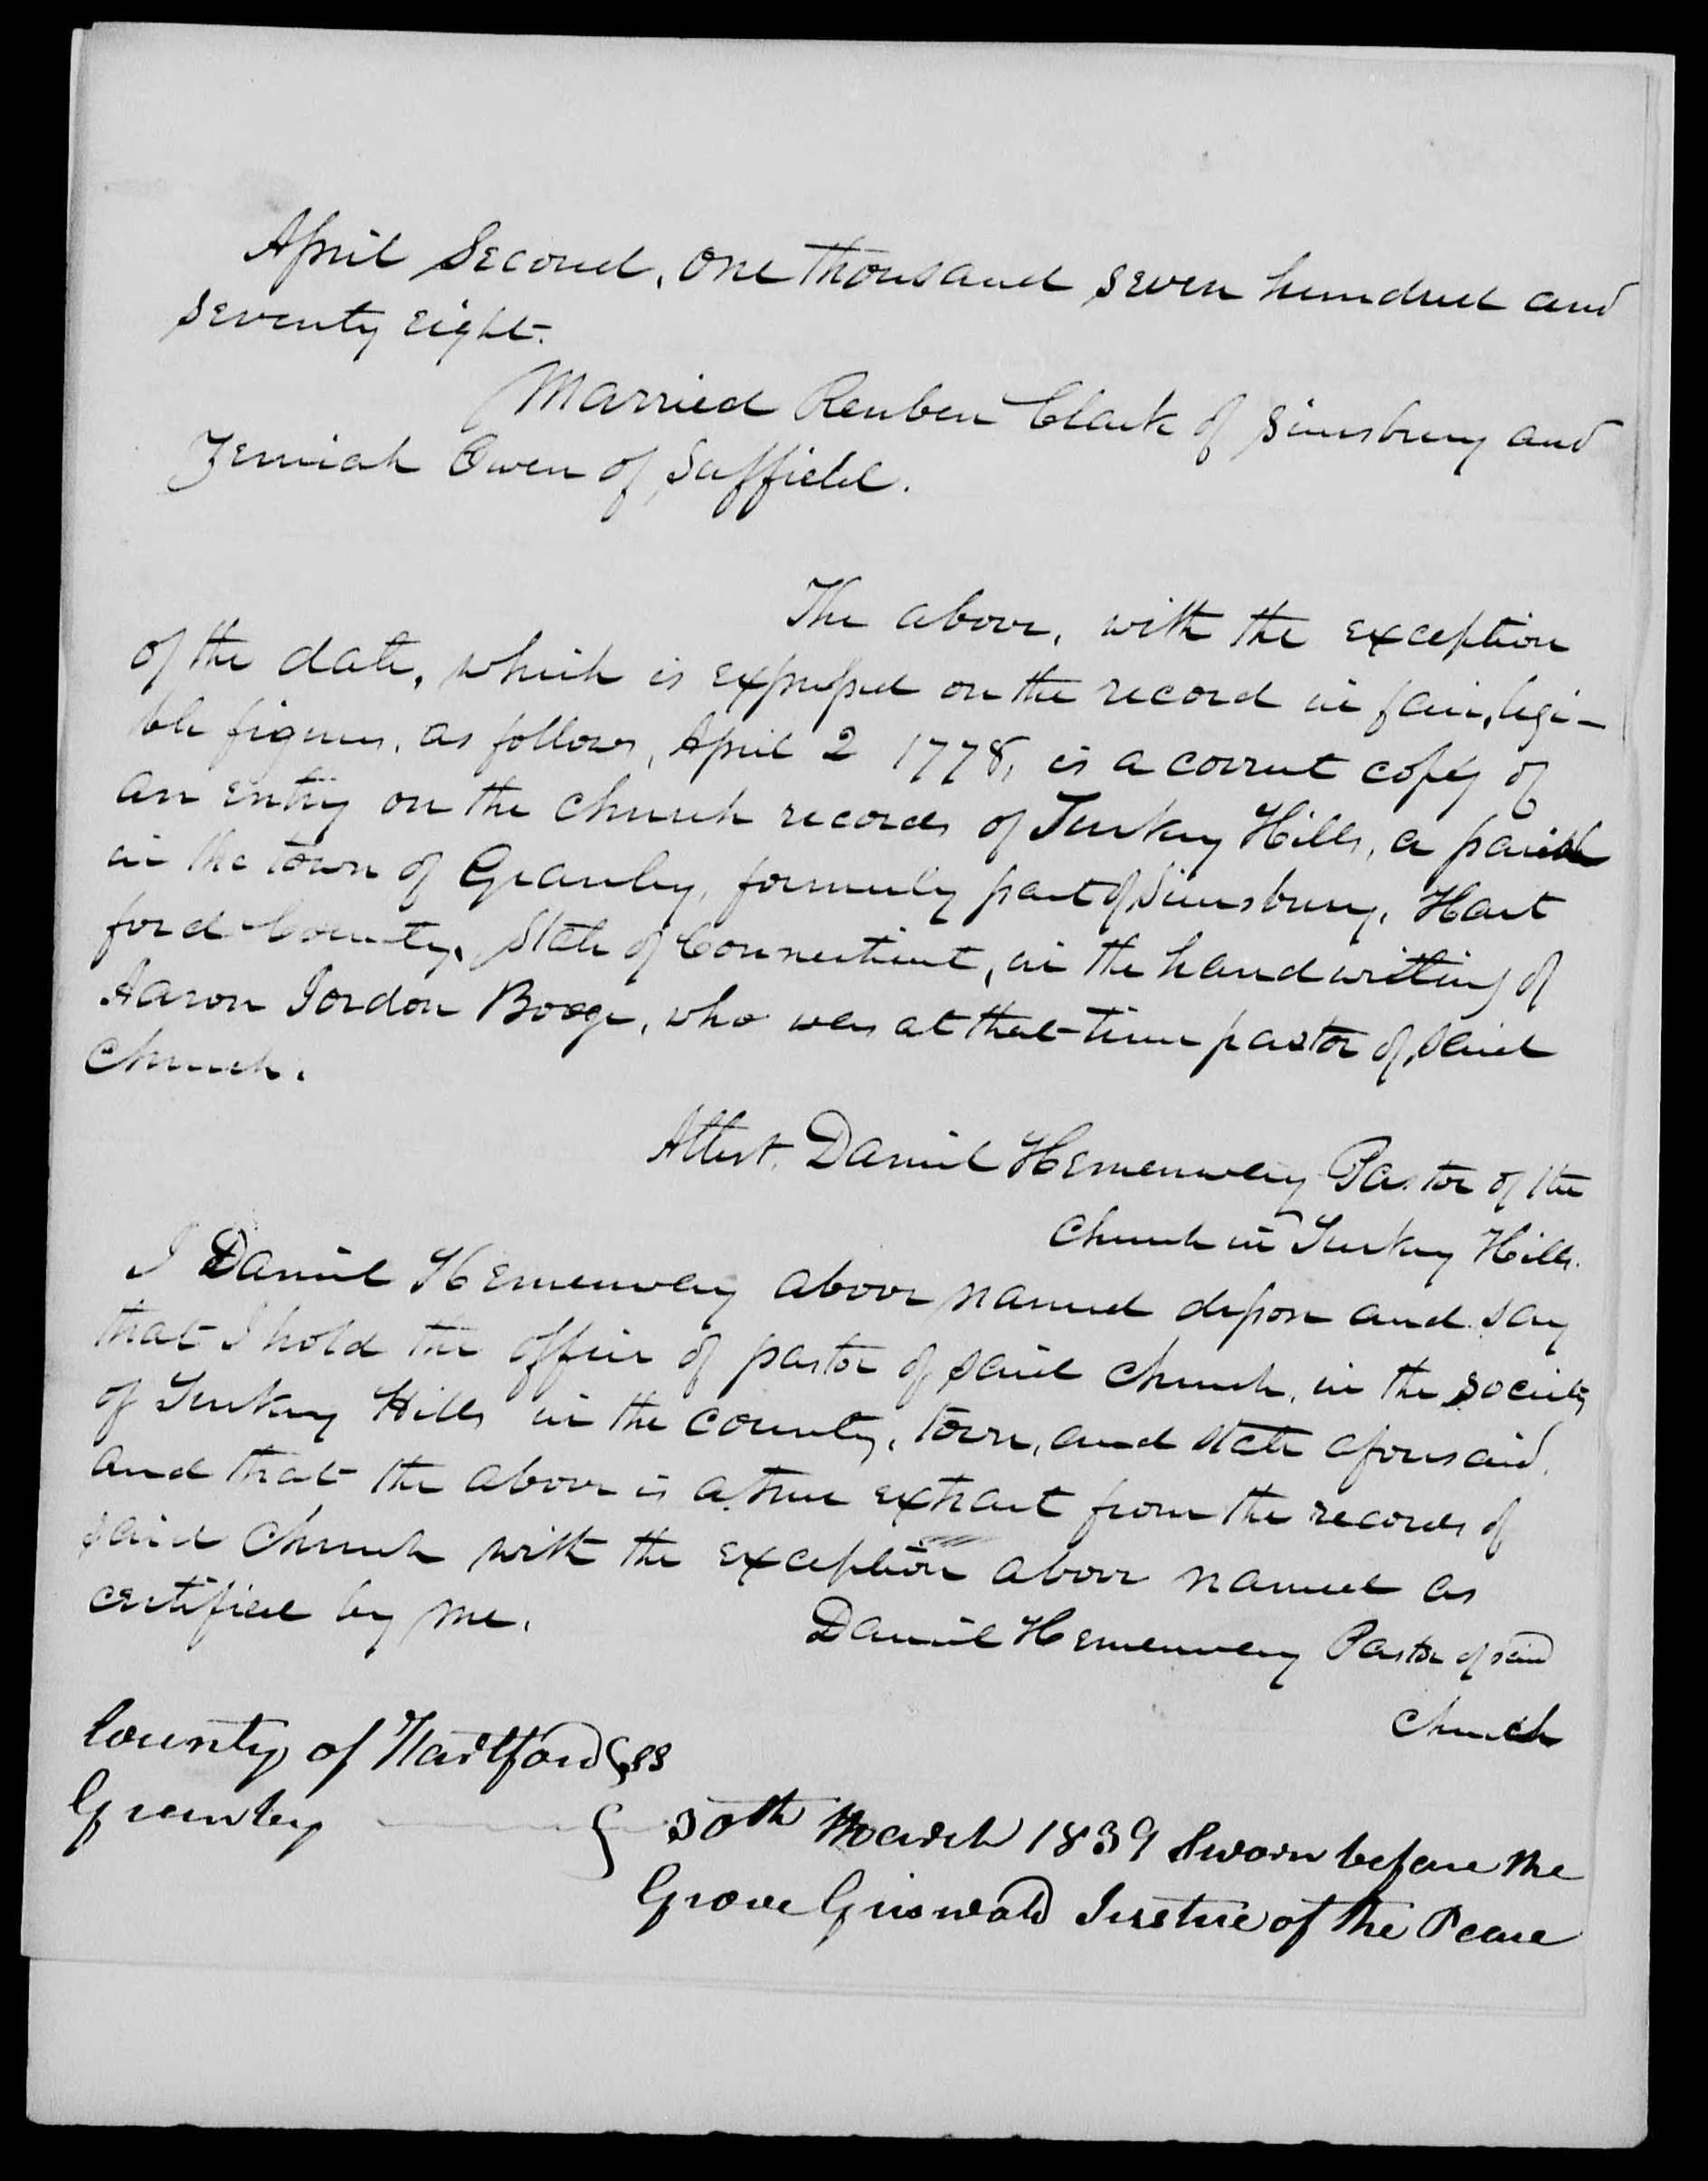[handwritten]
April Second, one thousand Seven hundred and Seventy Eight- 
Married Reuben Clark of Simsburg and Zeruiah Owen of Suffield.

The above, with the exception of the date, which 
is expressed on the record in fair, legible figures, as follows, April 2 1778, is a correct copy of an Entry on the church record, of Turkey Hill, a parish in the town of Granby, formerly part of Simsburg, Hartford County, State of Connecticut, in the handwriting of Aaron Jordan Booge, who was at that time pastor of said church.

Attest. David Hemenway Pastor of the church in Turkey Hills

I Daniel Hemenway above named depose and say that I hold the office of pastor of said churc, in the society of Turkey Hills, in the county, town, and state aforesaid and that the above is a true extract from the records of said church with the exception above named as certified by me
[signed] Daniel Hemenway
Pastor of Said Church

County of Hartford} ss
Granby} 30th March 1839
Sworn before me.
[signed] Grove Griswold Justice of the Peace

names: Reuben Clark, Daniel Hemenway, Aaron Jordon Booge, Daniel Hemenway, Daniel Hemenway, Zeruiah Owen, Grove Griswold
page: 12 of 26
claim: widow's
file: W. 14483, Reuben Clark, Conn.